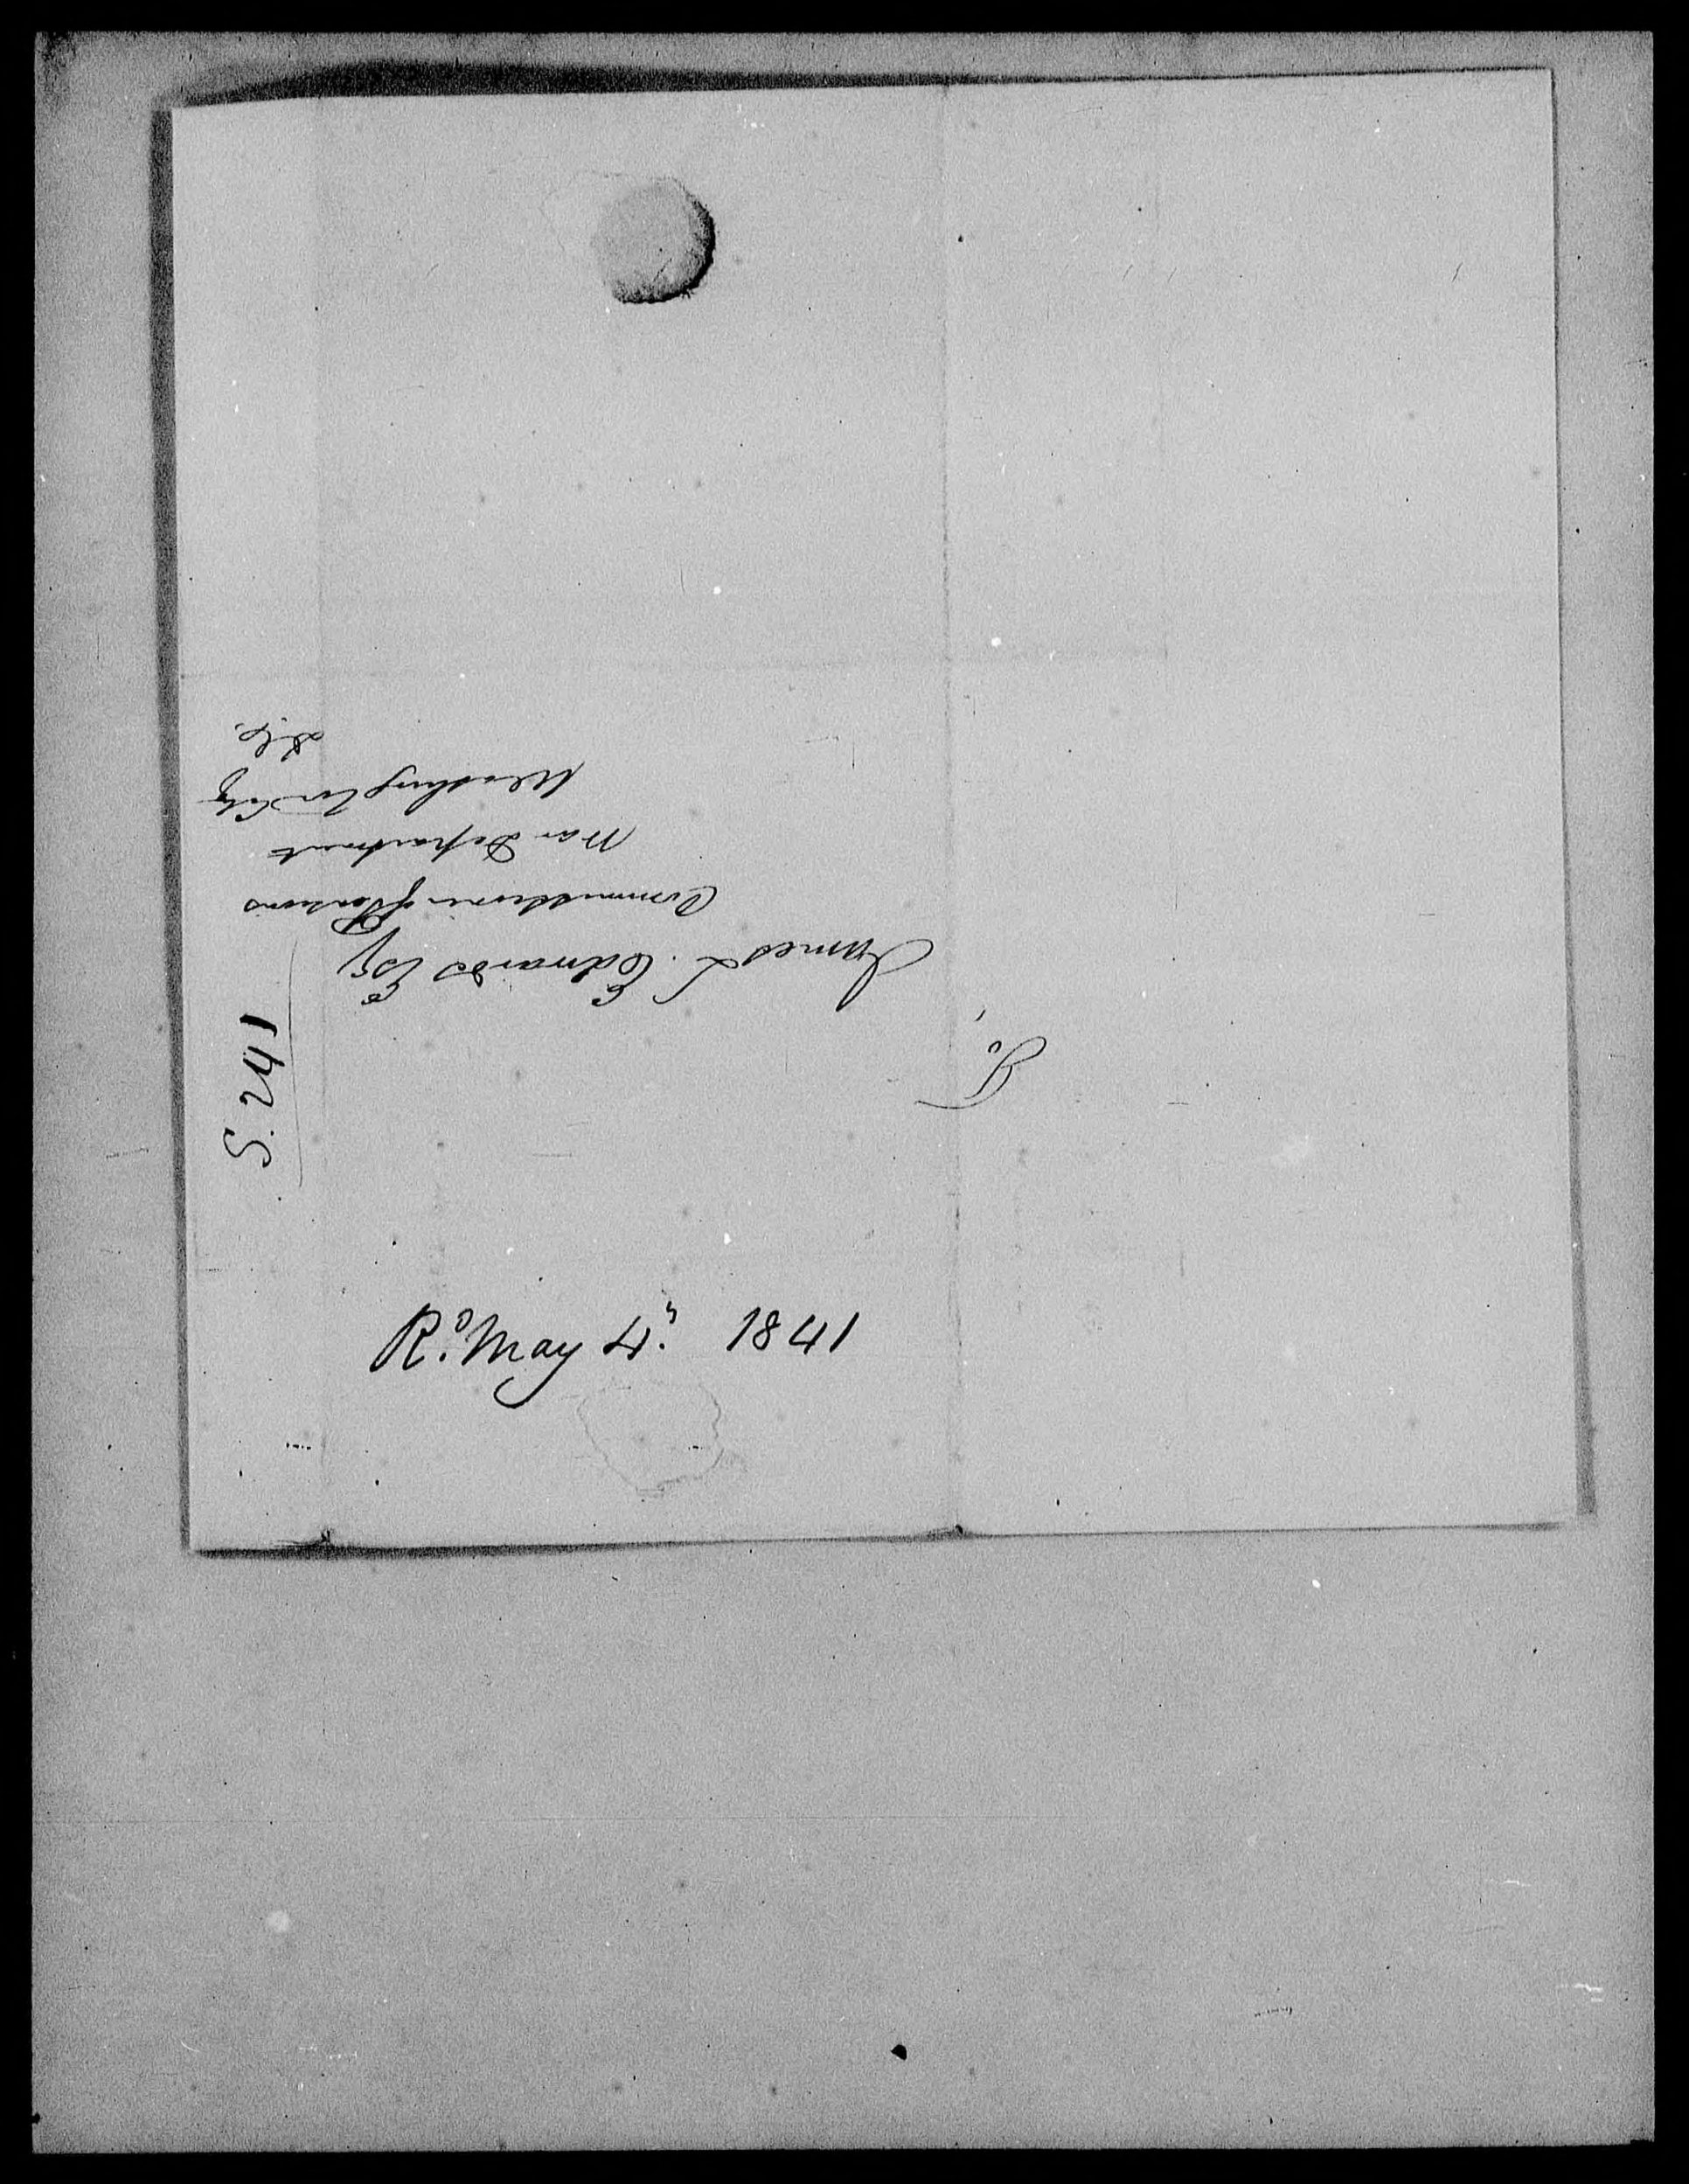S. 241

James L. Edwards Esq
Commissioner of Pensions
War Department
Washington City
D.C.

Rd. May 4th 1841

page: 16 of 25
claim: survivor's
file: S. 35093, for Richard R Tasker, Maryland